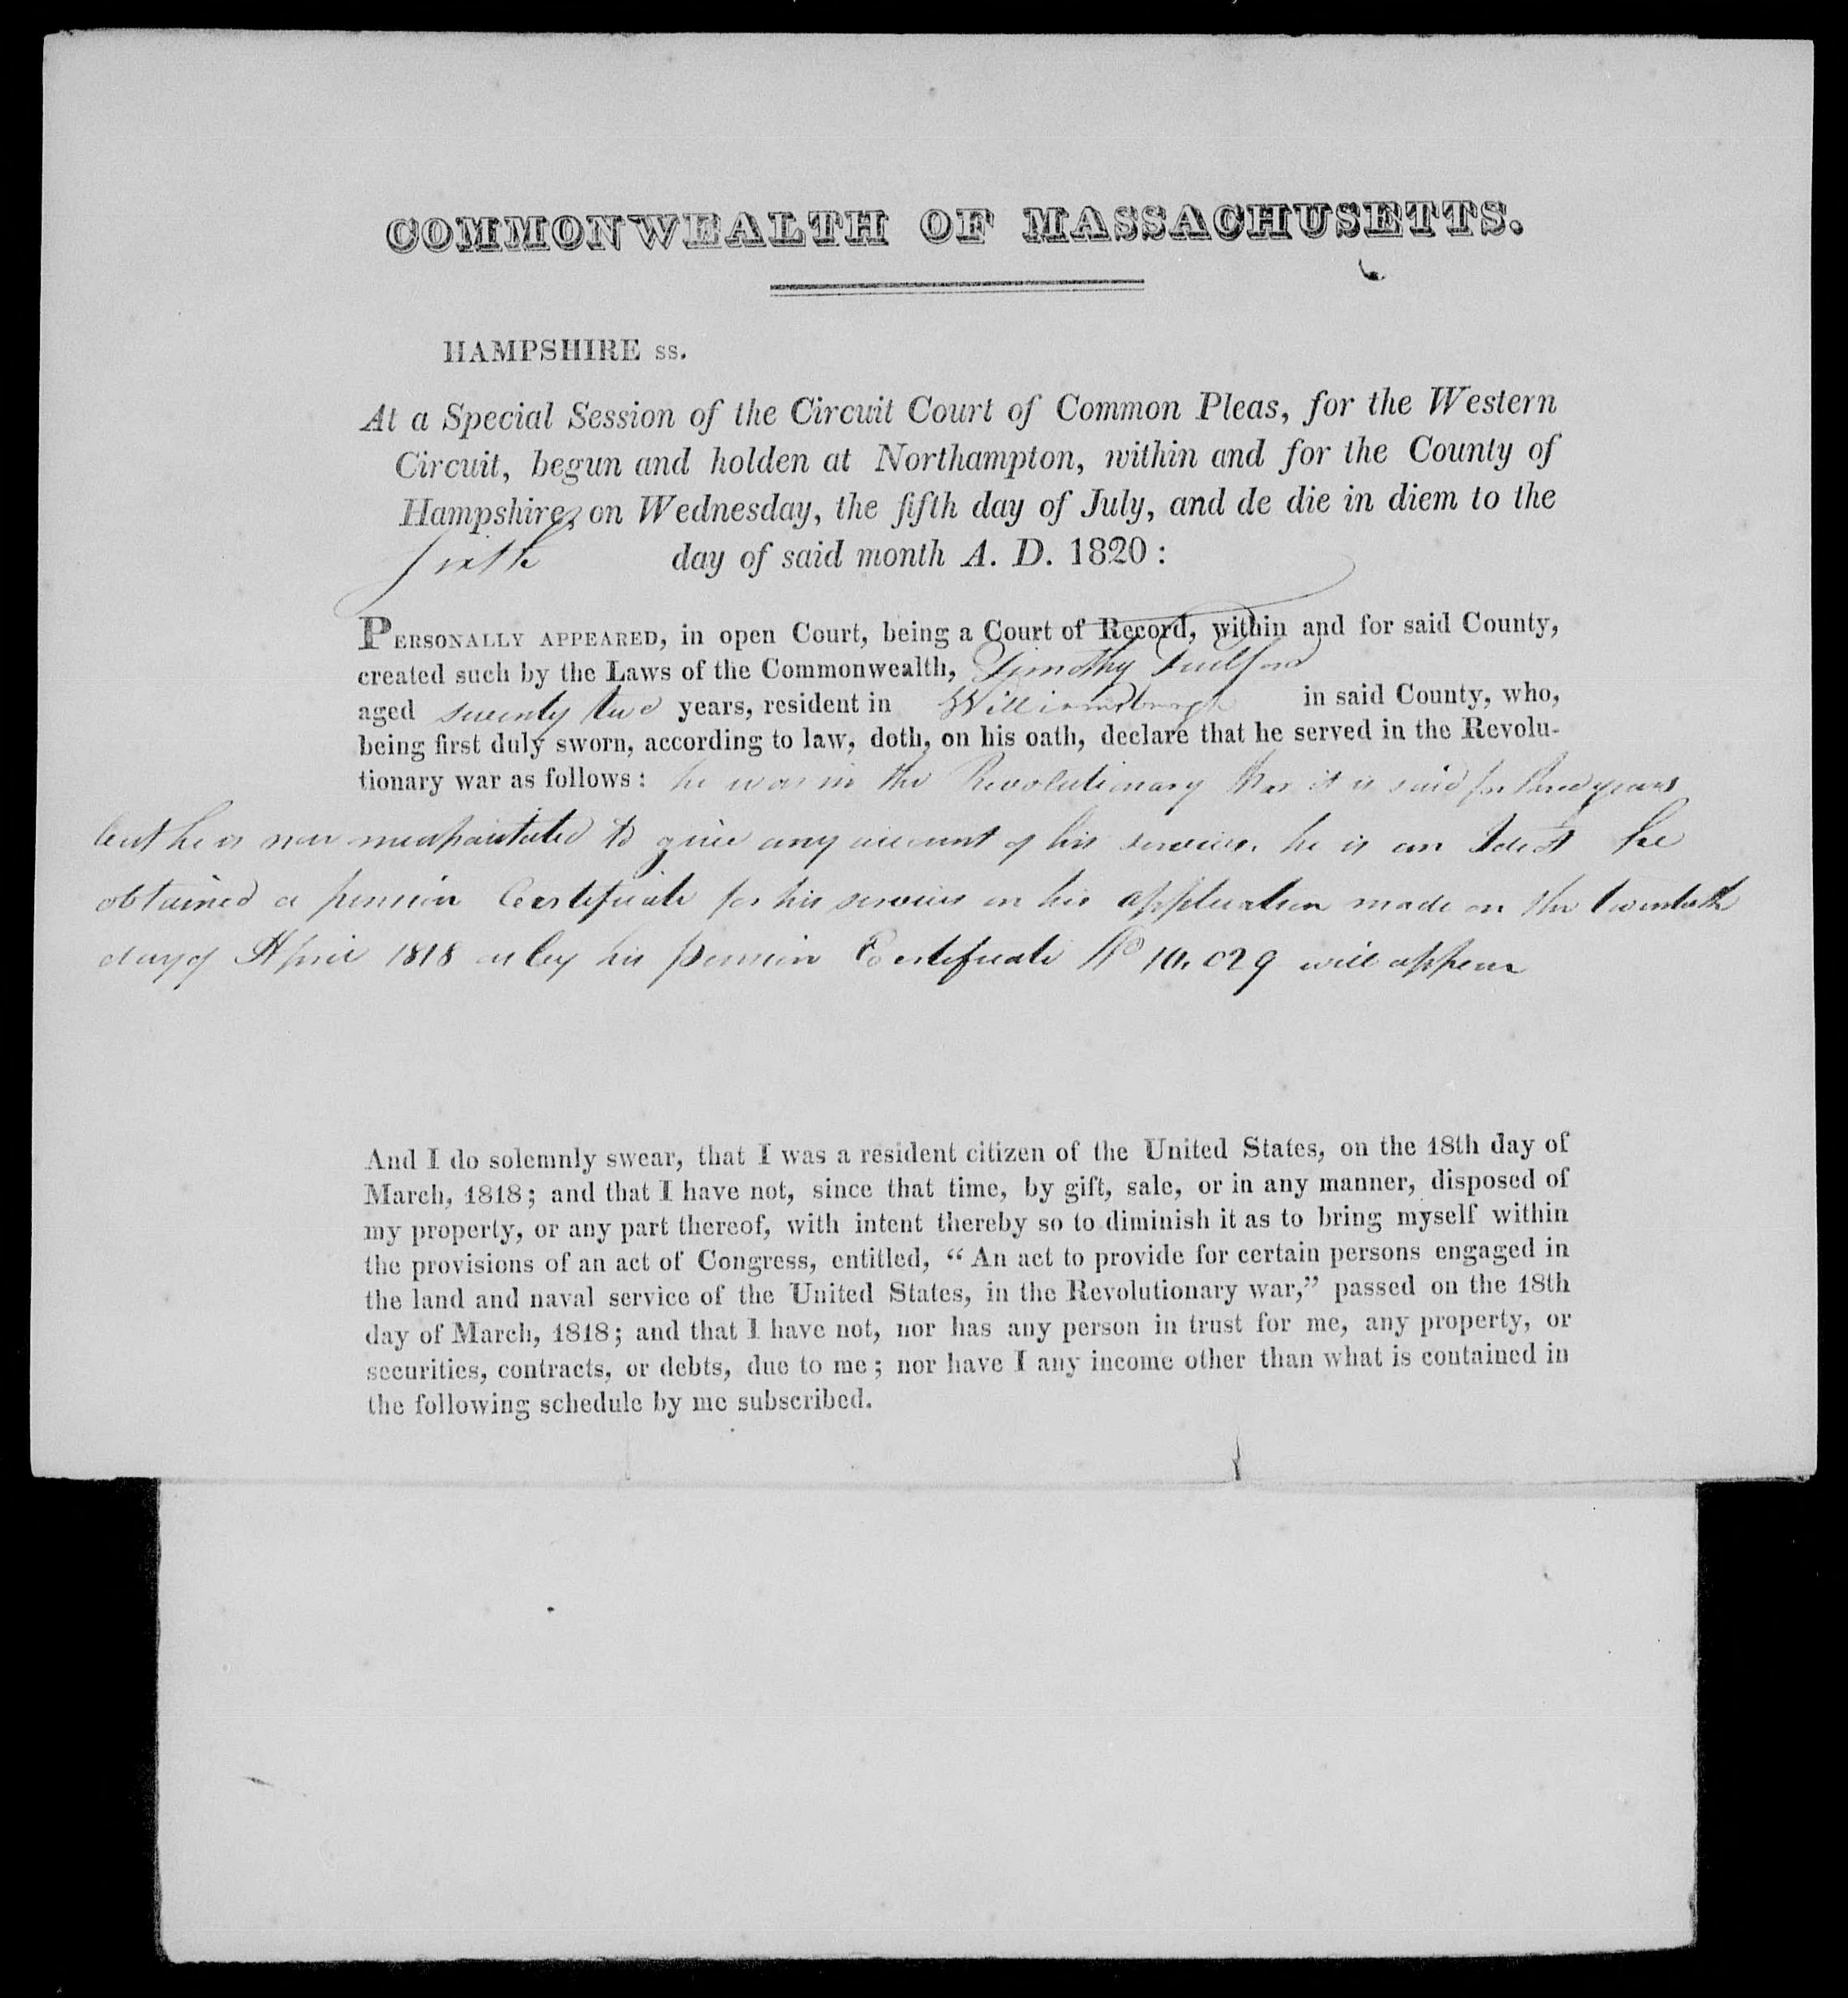Commonwealth of Massachusetts

Hampshire SS.

At a Special Session of the Circuit Court of Common Pleas, for the Western Circuit, begun and holden [held] at Northampton, within and for the County of Hampshire, on Wednesday, the fifth day of July, and de die in diem to the sixth day of said month A.D. 1820:

Personally appeared, in open Court, being a Court of Record, within and for said County, created such by the Laws of the Commonwealth, Timothy Guilford, aged seventy two years, resident in Williamsburgh in said County, who, first being duly sworn, according to law, doth, on his oath, declare that he served in the Revolutionary war as follows:  he was in the Revolutionary War it is said for three years but he is not necessitated to give any account of his service, he is an Idiot he obtained or pension certificate for his services in his application made on the twentieth day of April 1818 as by his pension certificate [illegible symbol] 10,029 will appear

And I do solemnly swear, that I was a resident of the United States, on the 18th day of March 1818; and that I have not, since that time, by gift, sale, or in any manner, disposed of my property, or any part thereof, with intent thereby so to diminish it as to bring myself within the provisions of an act of Congress, entitled, "An act to provide for certain persons engaged in the land and naval service of the United States, in the Revolutionary war," passed on the 18th day of March, 1818; and that I have not, nor has any person in trust for me, any property, or securities, contracts, or debts, due to me; nor have I any income other than what is contained in the following schedule by me subscribed.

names: Timothy Guilford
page: 8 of 26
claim: widow's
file: W. 21,238, Timothy Guilford, Mass.